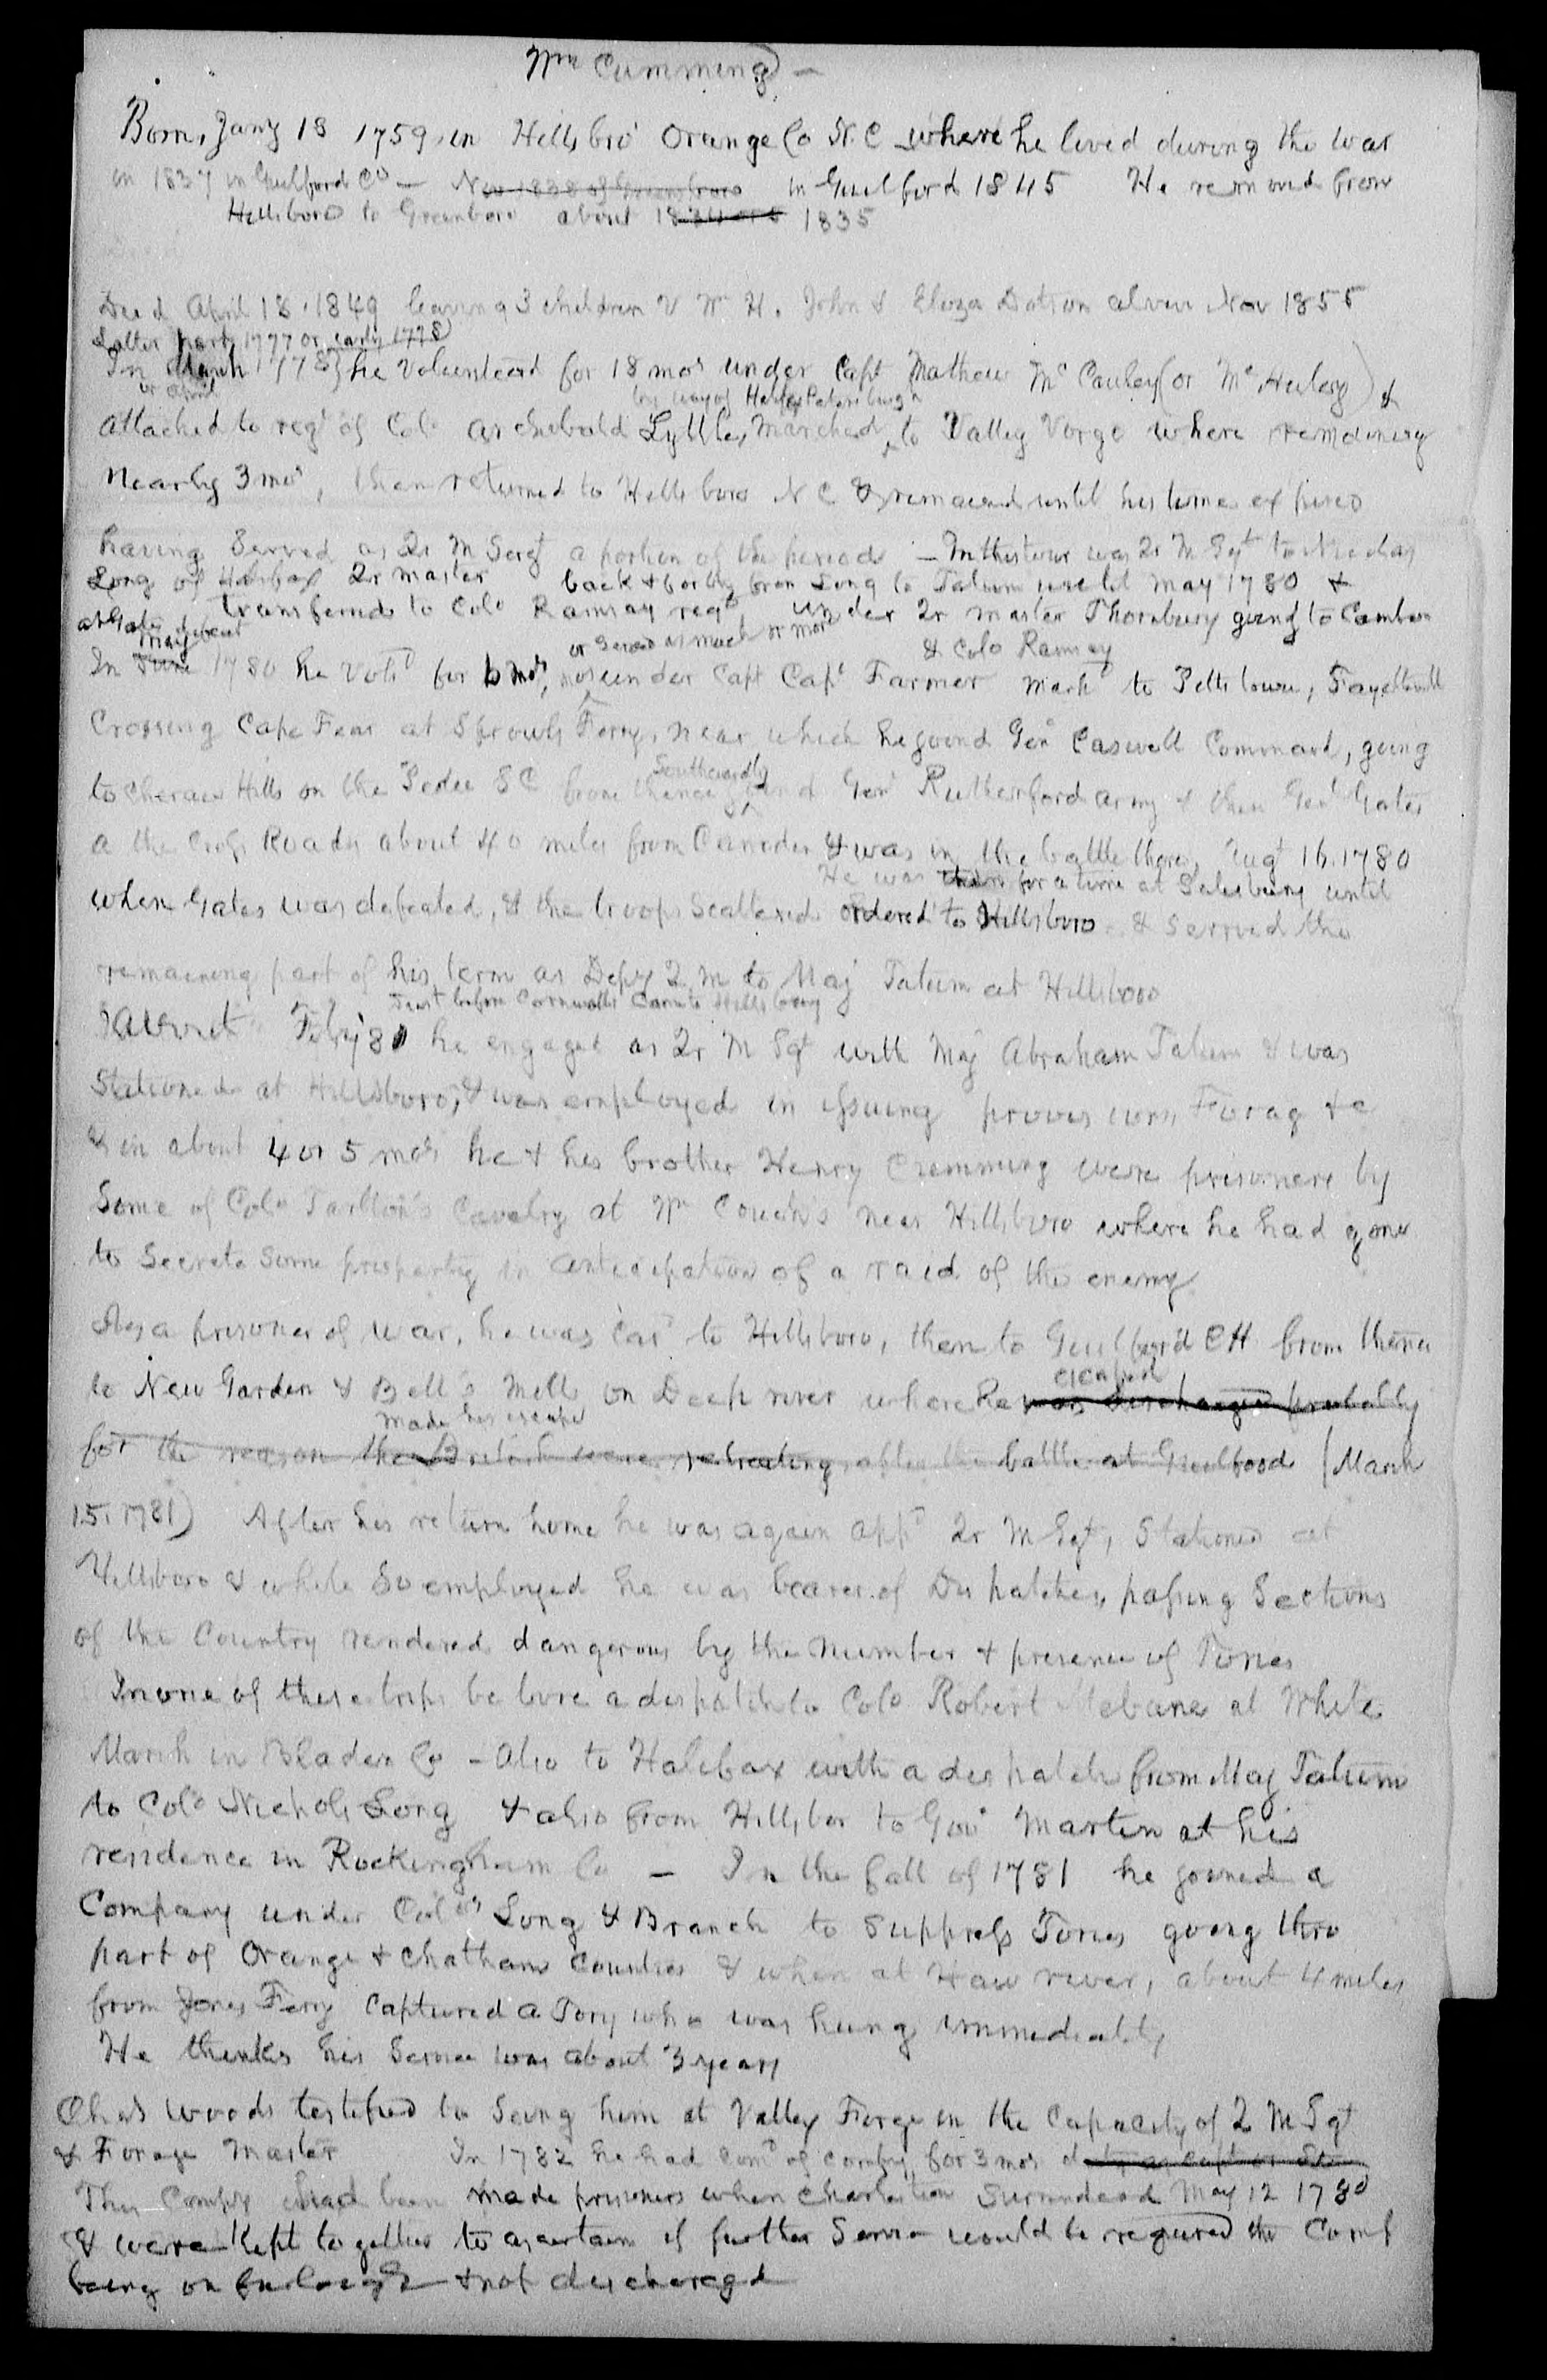[First page of two page detailed account re Wm Cumming's Revolutionary War service.  Occasional spacing has been included to make the long text block easier to read.]

Wm Cumming - 

Born, Jany 18 [or 13] 1759 in Hillsbro' [Hillsboro'] Orange Co N.C. where he lived during the War

in 1837 in Guilford Co - [Here "Nov 1838 of Greensboro" was stricken through] in Guilford 1845  
He removed from Hillsboro to Greenboro [Greensboro] about [here "1834 or 5" was stricken through] 1835

Died April 18, 1849 leaving 3 children V [probably meaning Viz:] Wm H. [,]  John and Eliza Dotson alive Nov 18 1855 [or 1856, but it looks most likely 1855]

^Latter part 1777 or early 1778
In March 1778) he Volunterd [Volunteered] for 18 mos [months] under Capt [Captain]  Mathew McCauley (or McAuley) and Attached to regt [regiment] of Colo [Colonel] Archibald Lyttle, Marched ^by way of Halifax [and] Petersburgh to Valley Vorge [Valley Forge] where remaining Nearly 3 mos [months], then returned to Hillsboro N C and remained until his time expired having Served as Qr M Sergt [Quarter Master Sergeant] a portion of the period - 

In this tour was Qr M. Sgt [Quarter Master Sergeant] to Nicolas [Nicholas]  Long of Halifax Qr [Quarter] Master  back and forth from Long to Tatum until May 1780 and transferred to Colo [Colonel] Ramsay regts under Qr [Quarter] Master Thornbury going to [?] Camden at Gates defeat. 

[Note: in the preceding paragraph, some of the lines jump around in a confusing way, so occasionally it's unclear which phrases belong together. However, the above transcription is as accurate as possible under the circumstances.]

In [here "June" is stricken out, with the following word written above:] ^May 1780 he Vold  [Volunteered] for [?] 6 mos, ^or Served as much or More under Capt Capt Farmer ["and Colo (Colonel) Ramsay" may have been intended to be added here by the original compiler] Marh [perhaps meaning Marched] to Pittstown, Fayetteville Crossing Cape Fear at Sprowls Ferry, near which he joind [joined] Gen Caswell Command, going to Cheraw Hills on the Peedee SC from thence Southwardly [?]joined Genl Rutherford army and then Genl [General] Gates at the Cross Roads about 40 miles from Camden and was in the battle there, Augt [August] 16. 1780 when Gates was defeated, and the troops Scattered. 

[Here is confusing word order, but the text appears to read:] ^ He was then for a time at Salisbury until ordered to Hillsboro and Served the remaining part of his term as Depty Q M [Deputy Quarter Master] to Maj [Major] Tatum at Hillsboro

About Feby 8 [or ?81, possibly ?1781] he engaged as Qr M Sgt [Quarter Master Sergeant] with Maj [Major] Abraham Tatum and was Stationed at Hillsboro, and was employed in issuing provisions Forage &c [and etcetera] and in about 4 or 5 mos [months] he and his brother Henry Cumming were prisoners by Some of Colo [Colonel] Tarlton's Cavalry at Wm Couch's near Hillsboro where he had gone to Secrete Some property in Anticipation of a raid of the enemy.

As a prisoner of War, he was card [probably meaning carried] to Hillsboro, then to Guilford CH [Court House] from thence to New Garden and Bell's Mills on Deep river where he [here there is an illegible word written above, and the words "was discharged probably for the reason the British were retreating after the battle at Guilford" was stricken through, and "Made his escape" was  written above.]  (March 15, 1781)  After his return home he was again appd [appointed] Qr M Sgt [Quarter Master Sergeant], Stationed at Hillsboro and while So employed he was bearer of Dispatches, passing Sections of the Country rendered dangerous by the Number and presence of Tories

In one of these [?] trips he bore a dispatch to Colo. [Colonel] Robert Mebane at White 
[?] Marsh in Bladen Co - Also to Halifax with a dispatch from Maj [Major] Tatum to Colo [Colonel] Nichols [possibly meaning Nicholas] Long and also from Hillsbor [Hillsboro] to Gov Martin at his residence in Rockingham Co - 

In the fall of 1781 he joined a Company under Colos [Colonels] Long and Branch to Suppress Tories going thru [through] part of Orange and Chatham Counties and when at Haw river, about 4 miles from Jones Ferry Captured a Tory who was hung immediately   He thinks his Service was about 3 years

Chas Woods testified to Seeing him at Valley Forge in the Capacity of Q M Sgt [Quarter Master Sergeant] and Forage Master  

In 1782 he had Comd [Command] of Compy [Company], for 3 mos. [here a partly illegible phrase of at least five words was stricken through, with the first part appearing to read:] acting as Capt [Captain] or [illegible]   

This Compy [Company] had been made prisoners when Charleston Surrendered May 12 1780 and were Kept together to ascertain if further Service would be required the Comp [or Comy, perhaps meaning Company] being on furlough and not discharged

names: Nicolas Long, Nichols Long, Jones Ferry, John, Eliza Dotson, Martin, Wm H, Archibald Lyttles, Branch, Mathew Mc Cauley, Tatum, Gates, Tatum, Farmer, Caswell, Gates, Long, Peter Long, Ramsey, Chas Woods, Robert Mc Cane, Wm Cummings, Tatum, Abraham Tatum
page: 139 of 145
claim: survivor's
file: S. 8265, William Cumming, N.C.